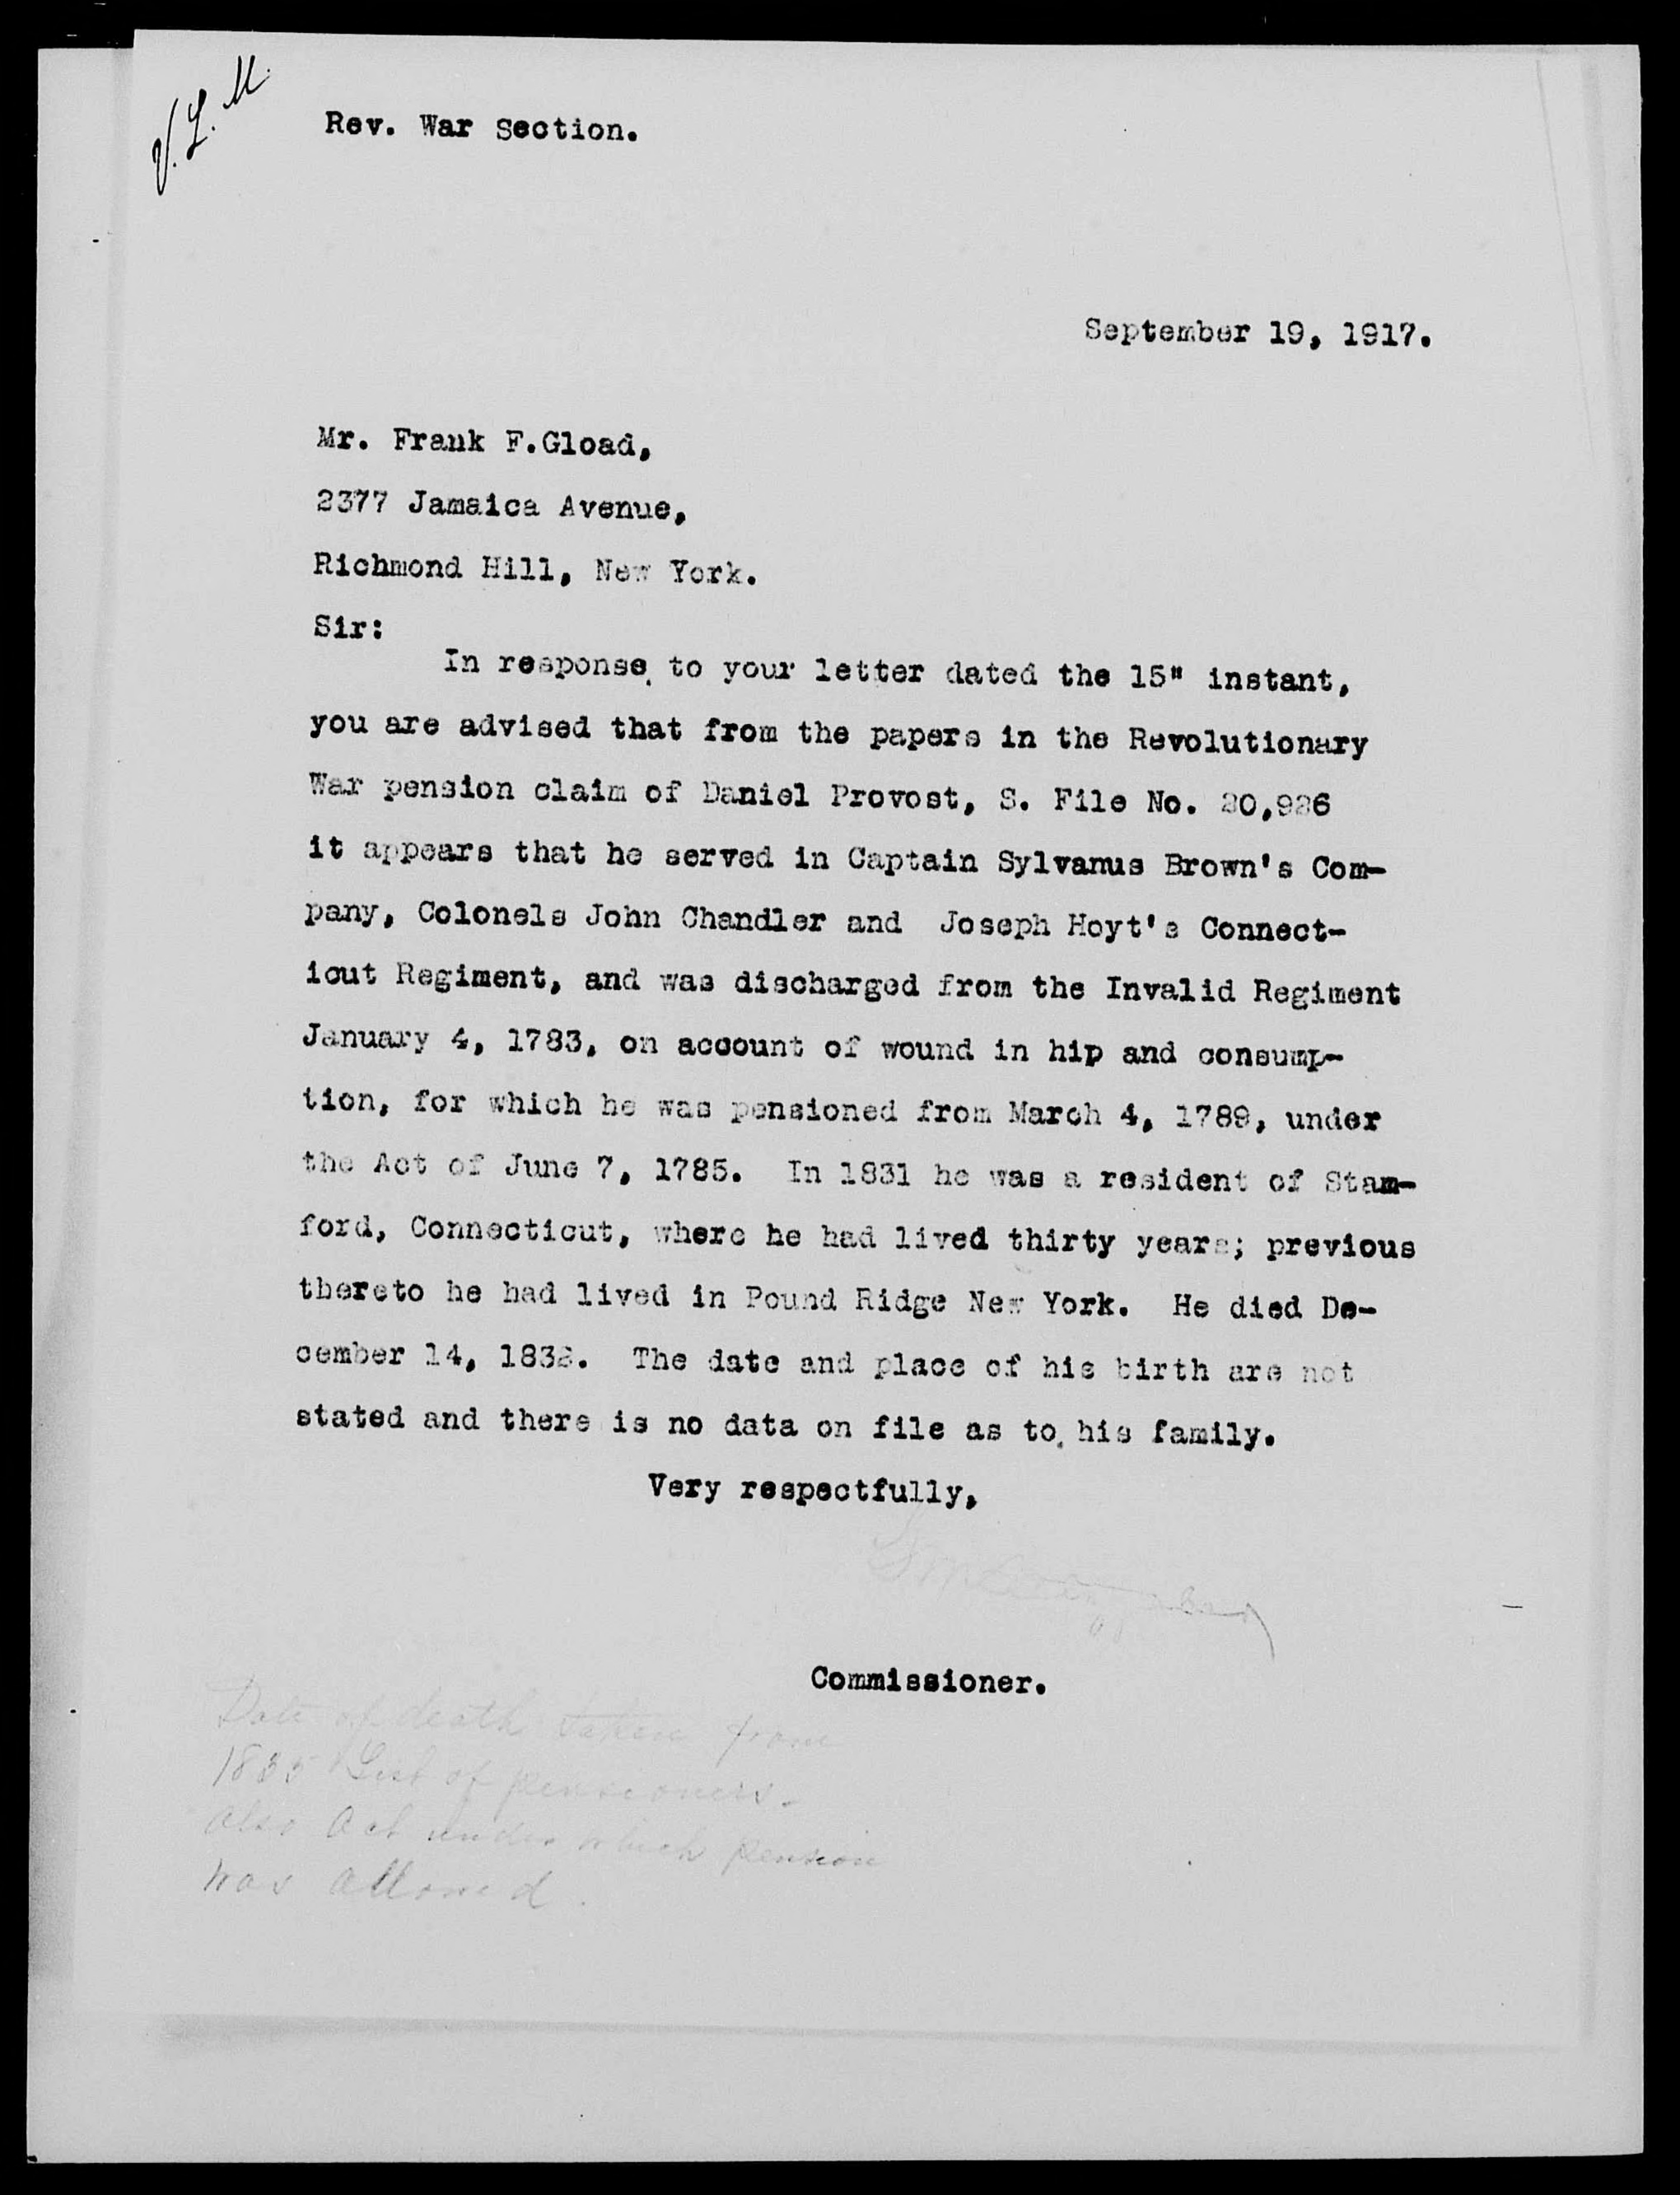V.L.M.
Rev. War Section.
September 19, 1917.
Mr. Frank F. Gload,
2377 Jamaica Avenue,
Richmond Hill, New York.
Sir:
in response to your letter dated the 15" instant,
you are advised that from the papers in the Revolutionary 
War pension claim of Daniel Provost, S. File No. 20,926
 appears that he served in Captain Sylvanus Brown's Company,
Colonels John Chandler and Joseph Hoyt's Connecticut
Regiment, and was discharged from the Invalid Regiment
January 4, 1783, on account of wound in hip and consumption, 
for which he was pensioned from March 4, 1789, under 
the Act of June 7, 1785. In 1831 he was a resident of Stamford,
Connecticut, where he had lived thirty years; previous
thereto he had lived in Pound Ridge New York. He died December
14, 1833. The date and place of his birth are not
stated and there is no data on file as to his family.
Very respectfully,
[illegible]
Commissioner.
Date of death taken from
1835 List of pensioners
also act under which pension
was allowed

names: G W Saltzgaber; John Chandler; Frank F Gload; Daniel Provost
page: 6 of 24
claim: survivor's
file: S. 20,926, for Daniel Provost, Connecticut